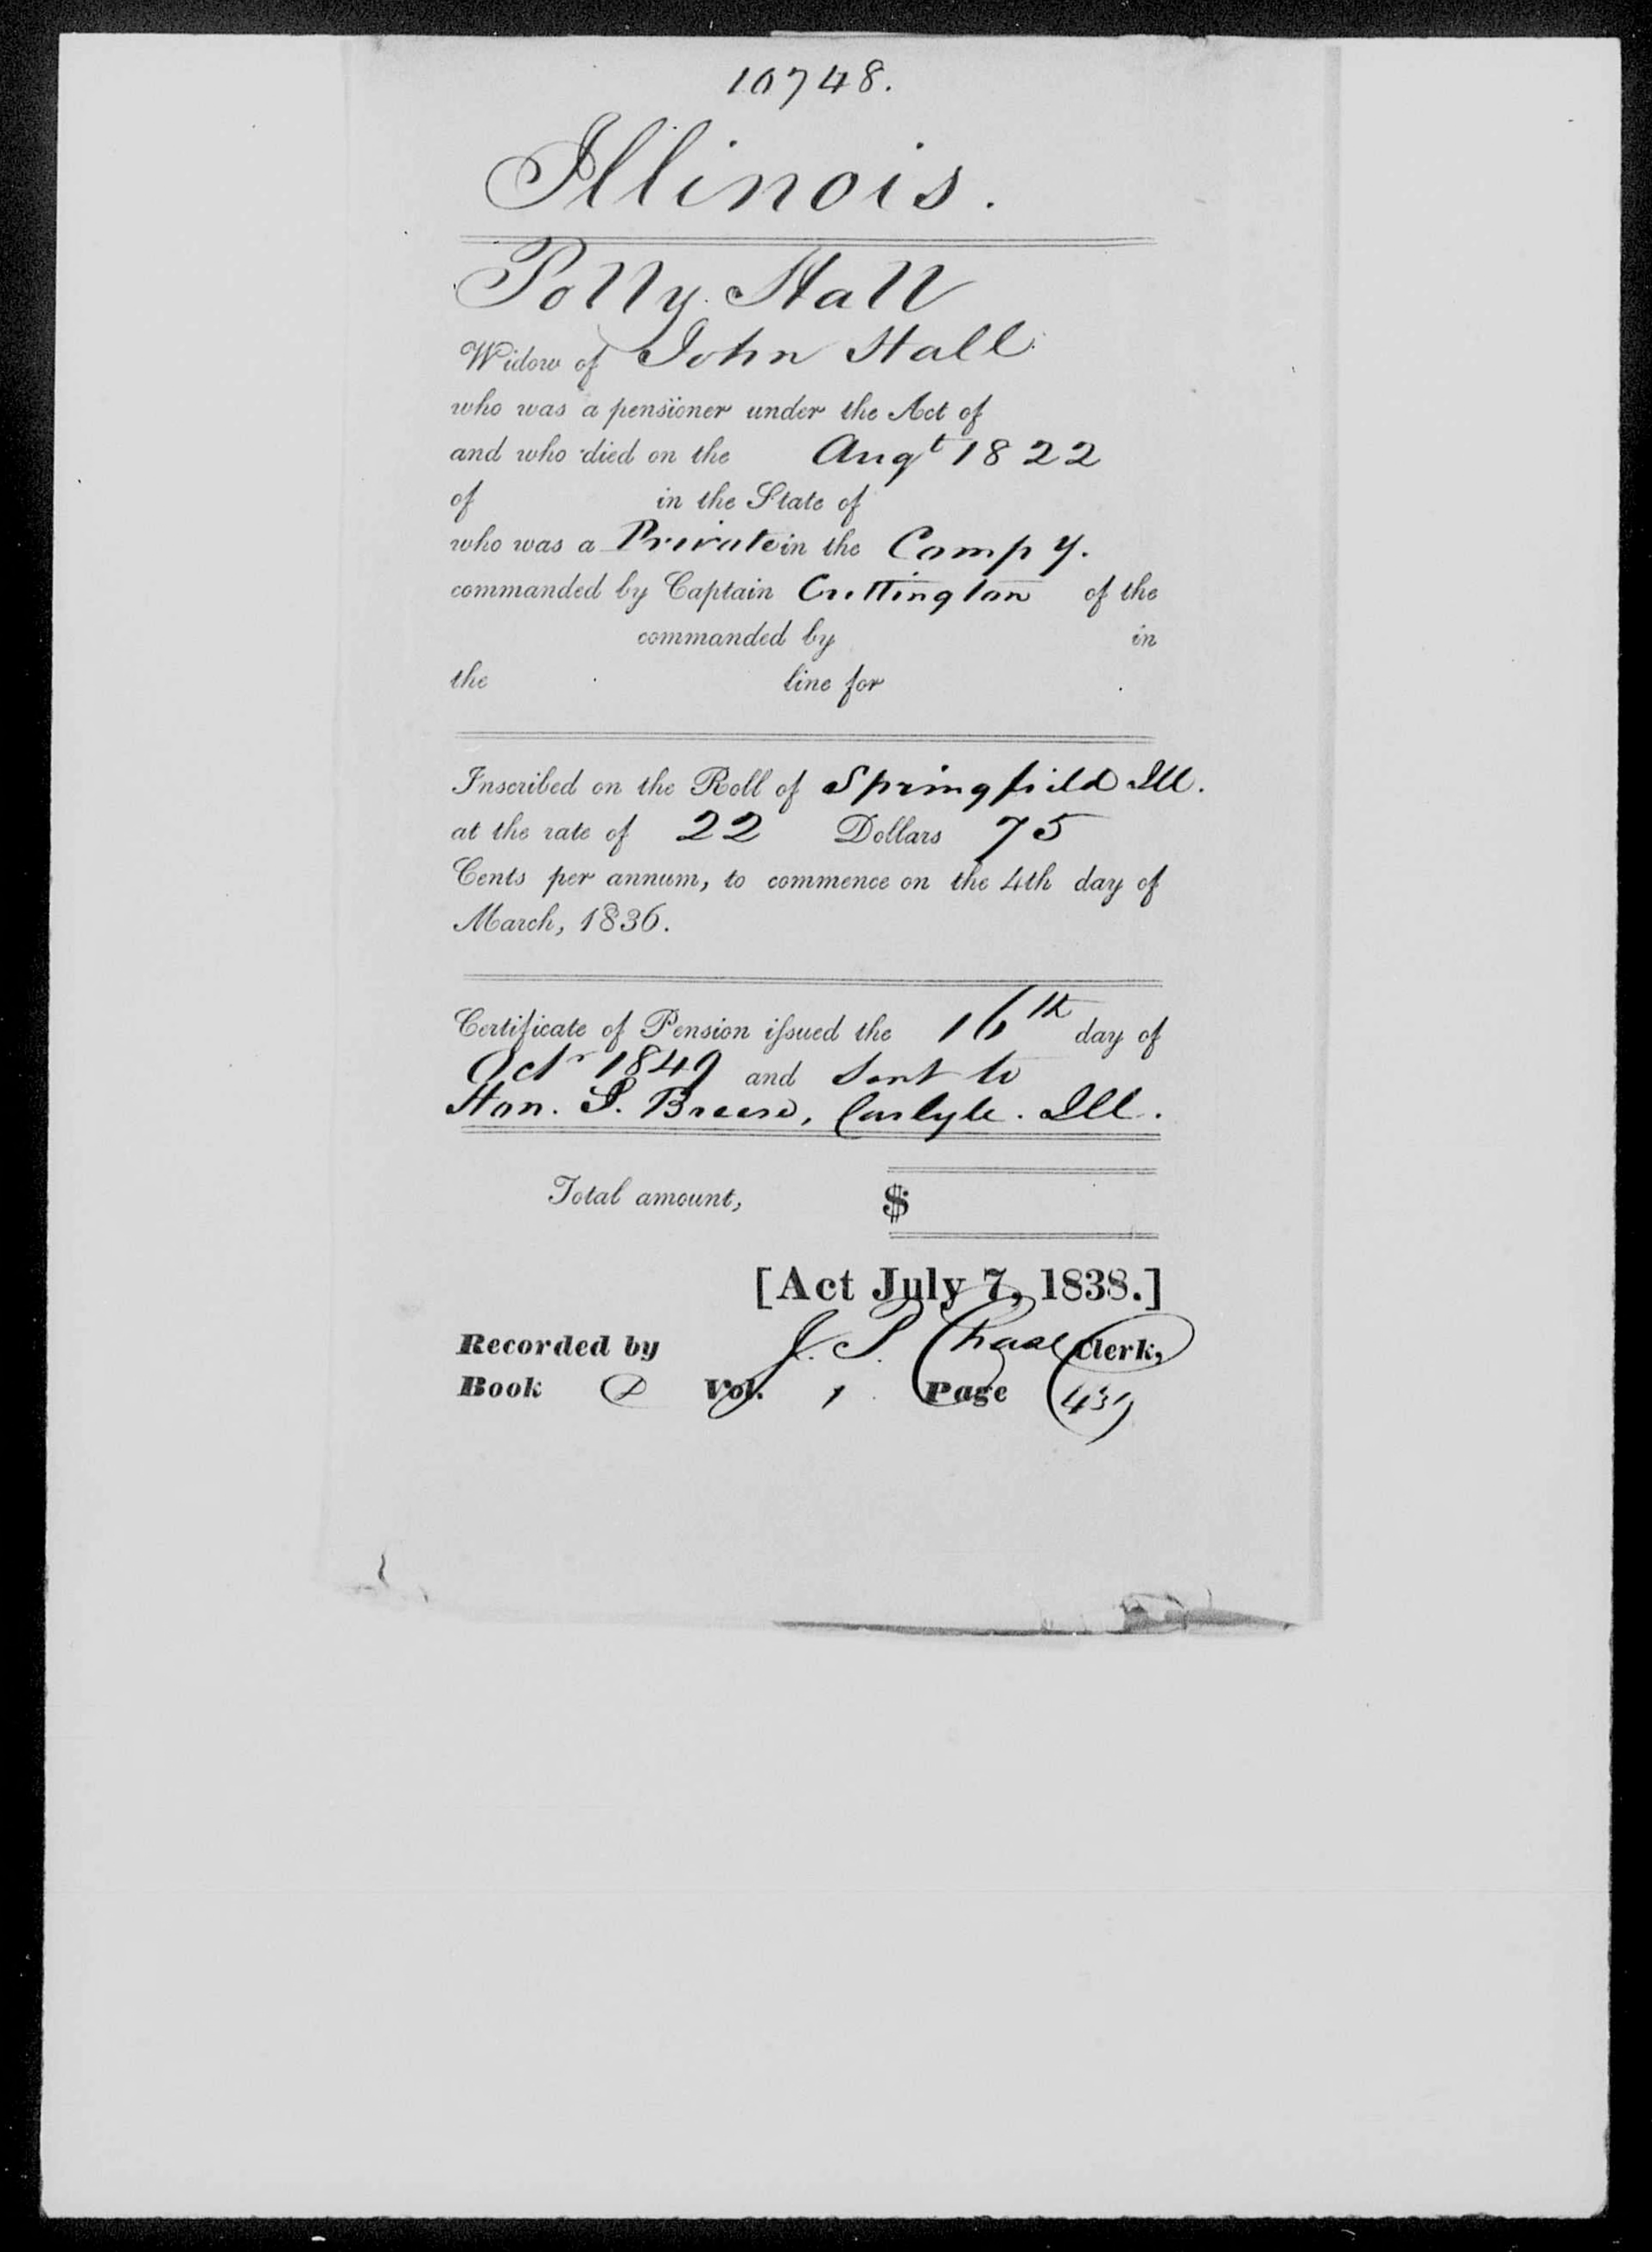10748
Illinois
Polly Hall
Widow of John Hall
who was a pensioner under the Act of
and who dies on the Aug 1822
of    in the state of 
who was a Private in the Compy
commanded by a Captain Crittington of the 
                     commanded by                  in 
the                        line for 

Inscribed on the Roll of Springfield Ill
at the rate of 22 Dollars 75
Cents per annum, to commence on the 4th day of 
March, 1836.

Certificate of Pension issued the 16th day of 
Oct 1849 and sent to 
Hon S Breese, Carlyle Ill

Total amount,     $
[Act July 7, 1838.]
Recorded by J. P. Chase Clerk
Book P Vol. 1 Page 439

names: Polly Hall, Crittington, S Breese, J P Chase, John Hall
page: 25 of 61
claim: widow's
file: W. 23,236, John Hall, N.C.